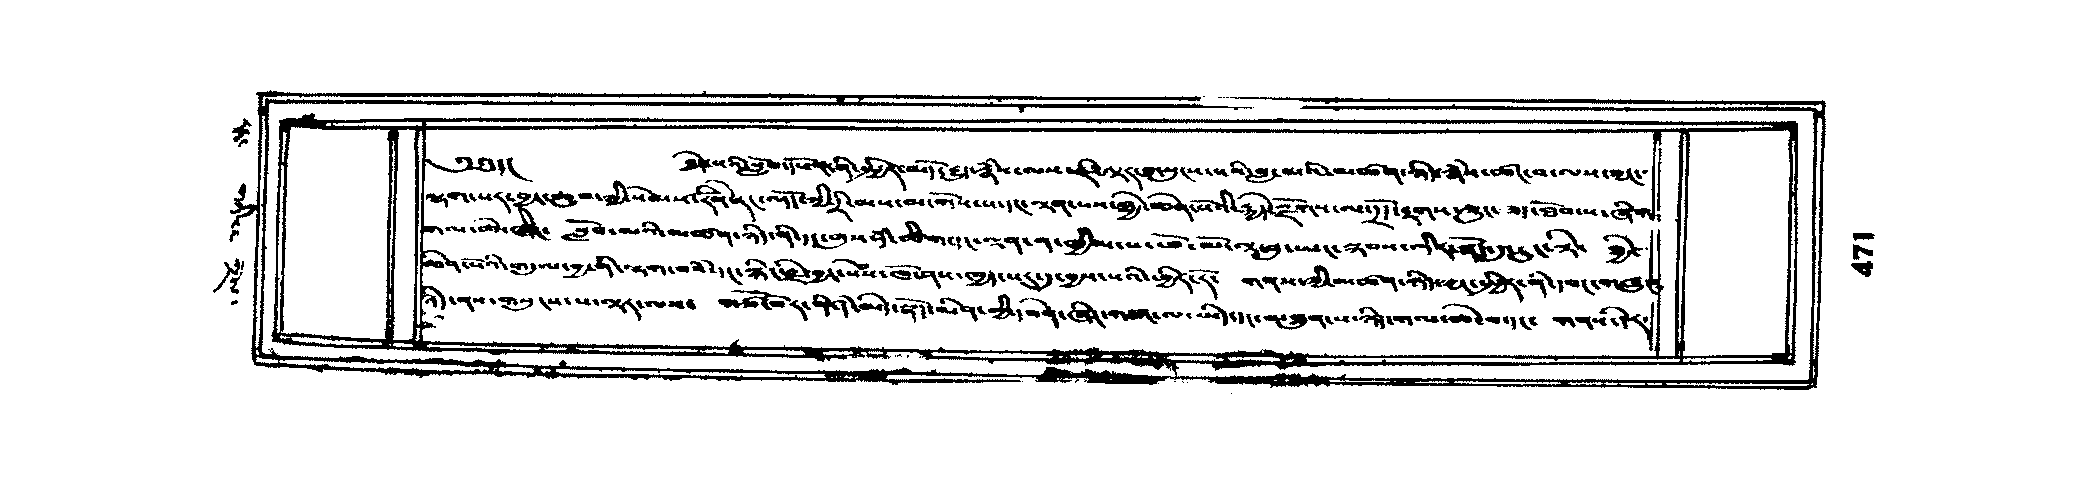བྱེད་པའི་སློབ་དཔོན་ནི་སྤྱིར་མདོ་རྒྱུད་རྣམས་ལས་ཇི་ལྟར་གསུངས་པའི་བླ་མའི་མཚན་ཉིད་རྣམས་ཚང་བ་ལས་ཀྱང་
ལྷག་པར་བྱང་ཆུབ་ཀྱི་སེམས་རིན་པོ་ཆེ་རང་འདོད་ཀྱི་དྲི་མས་མ་གོས་པ་དང་ལྡན་པས་ཐུགས་རྗེ་ཆེན་པོའི་བསྐྱེད་རྫོགས་ལ་དྲོད་རྟགས་ཅུང་ཟད་ཐོབ་པ་ཞིག་
གལ་ཆེ་ཞིང་། སློབ་མའི་མཚན་ཉིད་ནི་དད་གུས་དམ་ཚིག་དང་ལྡན་ན་ཁྱིམ་པ་ཕོ་མོ་ལྟ་བུ་ཡང་སྐབས་འདིར་སྣོད་དུ་རུང་སྟེ། ཐུགས་
རྗེ་ཆེན་པོའི་གདུལ་བྱ་ནི་ལྷག་བསམ་དང་སྙིང་རྗེ་བྱང་སེམས་ཁོ་ནས་ཁྱད་པར་དུ་བྱས་པའི་ཕྱིར་རོ། གནས་ཀྱི་མཚན་ཉིད་ཀྱང་སྤྱིར་ནི་དབང་གཞུང་
ཉིད་ནས་གསུངས་པ་ལྟར་ལས། གཙོ་བོར་ནི་དམ་མེད་སྣོད་མིན་གྱི་དབེན་ཞིང་གཙང་ལ་ཡིད་དང་མཐུན་པ་ཉིད་གལ་ཆེ་བ་དང་། གནས་དེར་